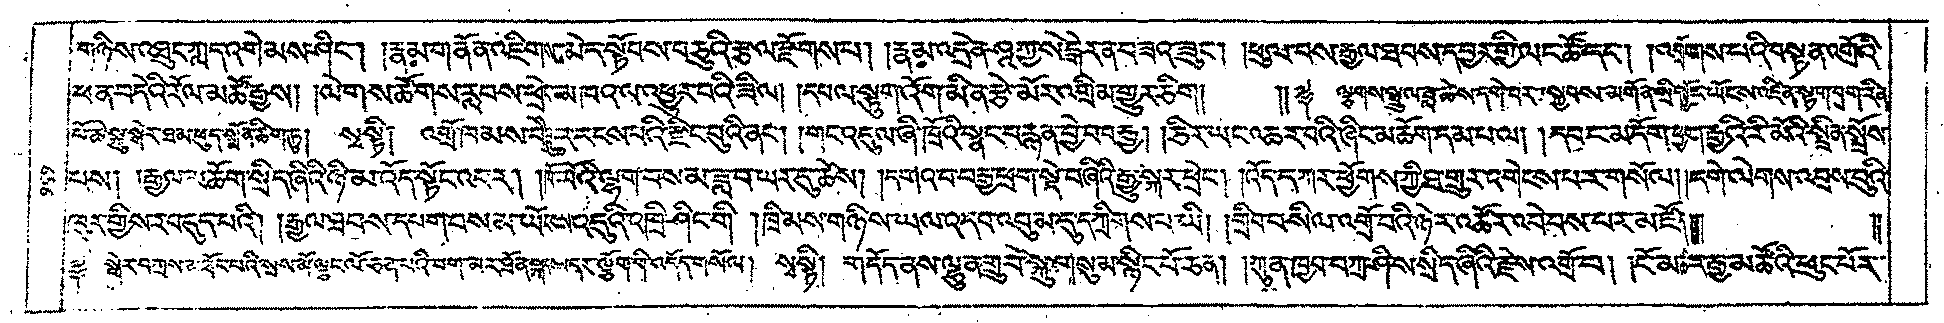གཉིས་འཐུང་ཀླད་འགེམས་ཤིང་། །རྣམ྾་གནོན་འཇིགས་མེད་སྟོབས་བཅུའི་རྩལ་རྫོགས་པ། །རྣམ྾་འདྲེན་ཤཱཀྱ་སེངྒེར་ན་བཟའ་ཟུང་། །ཕུལ་བས་རྒྱལ་ཐབས་དབྱར་གྱི་ལང་ཚོ་དང་། །འགྲོགས་པའི་བསྟན་འགྲོའི་
ཕན་བདེའི་རོལ་མཚོ་རྒྱས། །ལེགས་ཚོགས་རླབས་ཕྲེང་མཁའ་ལ་འཕྱུར་བའི་ཟིལ། །དཔལ་སྟུག་འོག་མིན་རྩེ་མོར་འགྲིམ་གྱུར་ཅིག ། །། ༈ ལྕགས་སྦྲུལ་ཟླ་ཚེས་དགེ་བར་༧སྐྱབས་མགོན་སྲིད་སྐྱོང་ཡོངས་འཛིན་སྟག་བྲག་རིན་
པོ་ཆེ་སྐུ་སྒེར་ཐམ་ཕུད་སྨོན་ཚིག་ཏུ། སྭ་སྟི། འགྲོ་ཁམས་བཻཌཱུར་དྭངས་པའི་རྫིང་བུའི་ནང་། །གང་འདུལ་ཞི་ཁྲོའི་སྣང་བརྙན་བྱེ་བ་བརྒྱ། །ཅིར་ཡང་འཆར་བའི་ཞིང་མཆོག་དམ་པ་ལ། །དབང་མདོག་ཕྱག་རྒྱའི་རི་མོའི་སྤྲིན་སྤྲོས་
པས། །རྒྱལ་མཆོག་སྲིད་ཞིའི་ཉི་མ་འོད་སྟོང་འབར། །ཁོ་བོའི་ལྷག་བསམ་ཟླ་བ་ཡར་དུ་ཚེས། །དགའ་བ་བརྒྱ་ཕྲག་སྡེ་བཞིའི་རྒྱུ་སྐར་ཕྲེང་། །འོད་དཀར་ཕྱོགས་ཀྱི་ཐ་གྲུར་འགེངས་པར་གསོལ། །དགེ་ལེགས་འབྲས་བུའི་
ཁུར་གྱིས་རབ་དུད་པའི། །རྒྱལ་ཐབས་དཔག་བསམ་ཡོངས་འདུའི་འཁྲི་ཤིང་གི །ཁྲིམས་གཉིས་ཡལ་འདབ་འབུམ་དུ་དཀྲིགས་པ་ཡི། །གྲིབ་བསིལ་འགྲོ་བའི་ཉེར་འཚོར་འབེབས་པར་མཛོད།། །།
༈ སྒེར་བཀྲས་མཐོང་པའི་སྲས་མོ་ལྕང་ལོ་ཅན་པའི་བག་མར་ཐོན་སྐབས་དར་ལྕོག་གི་འདོད་གསོལ།  སྭ་སྟི། གདོད་ནས་ལྷུན་གྲུབ་སྐུ་གསུམ་སྙིང་པོ་ཅན། །ཀུན་ཁྱབ་བཀྲ་ཤིས་སྲིད་ཞིའི་རྗེས་འགྲོ་བ། །ངོ་མཚར་རྒྱ་མཚོའི་ཕུང་པོར་